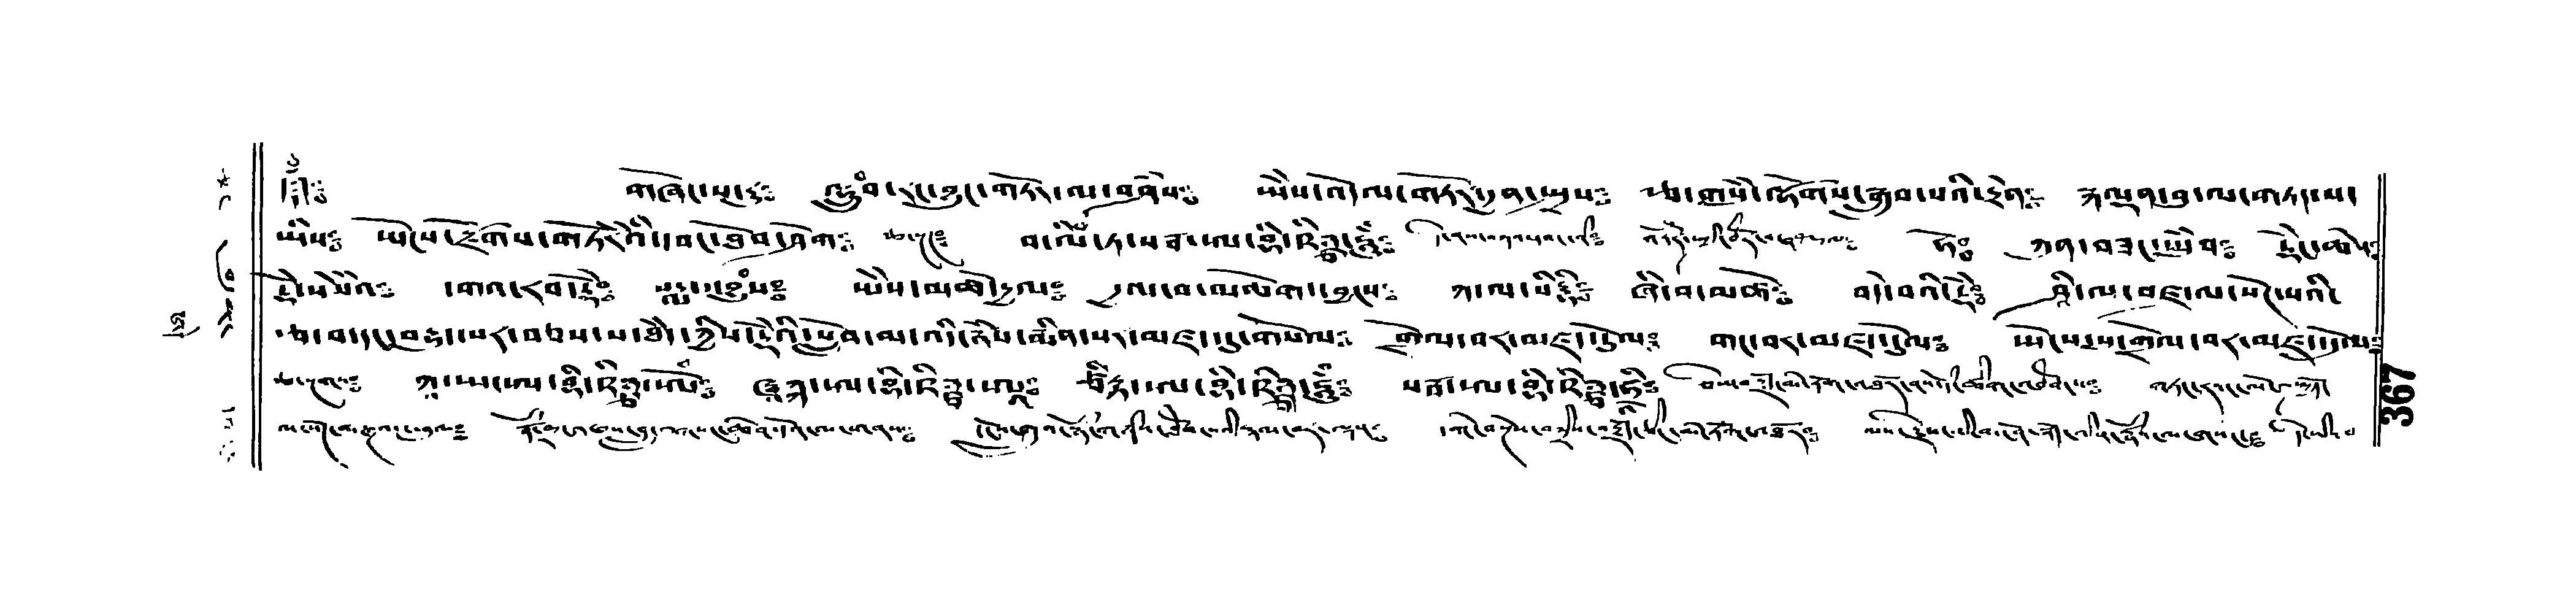གཞོང་པ་རུ༔ ལྷུན་གྲུབ་རང་བྱུང་གཏོར་མ་བཤམས༔ ཡེ་ཤེས་འོད་གསལ་གཏོར་རྒྱན་སྤྲས༔ རྩ་གསུམ་ལྷ་ཚོགས་སྒྲུབ་པའི་རྟེན༔ སྐལ་ལྡན་བུ་ལ་གཏད་པ་
ཡིས༔ ཡོངས་རྫོགས་གཏོར་མའི་དབང་ཐོབ་ཤོག༔ རྩ་སྔགས༔ བ་ལིཾ་ཏ་སརྦ་ཨ་བྷི་རིཉྩ་ཧཱུྃ༔ དེ་ནས་བཀའ་དབང་ནི༔ གཏོར་མ་སྤྱི་བོར་བཞག་ལ༔ ཧོཿ ཀུན་བཟང་ཡབ་ཡུམ༔ རྡོ་རྗེ་འཆང་ཆེན༔ 
རྡོ་རྗེ་སེམས་དཔའ༔ དགའ་རབ་རྡོ་རྗེ༔ པདྨ་འབྱུང་གནས༔ ཡེ་ཤེས་མཚོ་རྒྱལ༔ རྒྱལ་བ་མཆོག་དབྱངས༔ ཀ་ལ་སིདྡྷི༔ ཞི་བ་མཚོ༔ བདེ་བའི་རྡོ་རྗེ༔ ཤཱི་ལ་བཛྲ་ལ་སོགས་པའི་
རྩ་བ་དང་བརྒྱུད་པར་བཅས་པ་ཐམས་ཅད་ཀྱིས་རྡོ་རྗེའི་སློབ་མ་འདི་རྣམས་སྨིན་པར་མཛད་དུ་གསོལ༔ གྲོལ་བར་མཛད་དུ་གསོལ༔ གང་བར་མཛད་དུ་གསོལ༔ ཡོངས་སུ་གྲོལ་བར་མཛད་དུ་གསོལ༔
རྩ་སྔགས༔ ཀཱ་ཡ་ཨ་བྷི་རིཉྩ་ཨོཾ༔ ཝཱཀྐ་ཨ་བྷི་རིཉྩ་ཨཱཿ ཙིཏྟ་ཨ་བྷི་རིཉྩ་ཧཱུྃ༔ སརྦ་ཨ་བྷི་རིཉྩ་ཧྲཱིཿ ཅེས་བརྗོད་མེ་ཏོག་འཐོར་ནས་དམ་ཚིག་འབོགས༔ གཏང་རག་ལོངས་སྤྱོད་
ལ་སོགས་མཎྜལ་ཕུལ༔ རྣམ་གྲངས་ཁས་བླངས་གསང་ཆེན་དོན་ལ་གནས༔ དངོས་གྲུབ་རྣམ་གཉིས་འཐོབ་པའི་སྐལ་བར་ལྡན༔ དགེ་བསྔོས་བཀྲ་ཤིས་བརྗོད་ཅིང་མེ་ཏོག་འཐོར༔ ལས་རྗེས་མི་མངོན་སྣོད་མིན་རྣམས་ལ་གསང༔ དེ་ཡིས་